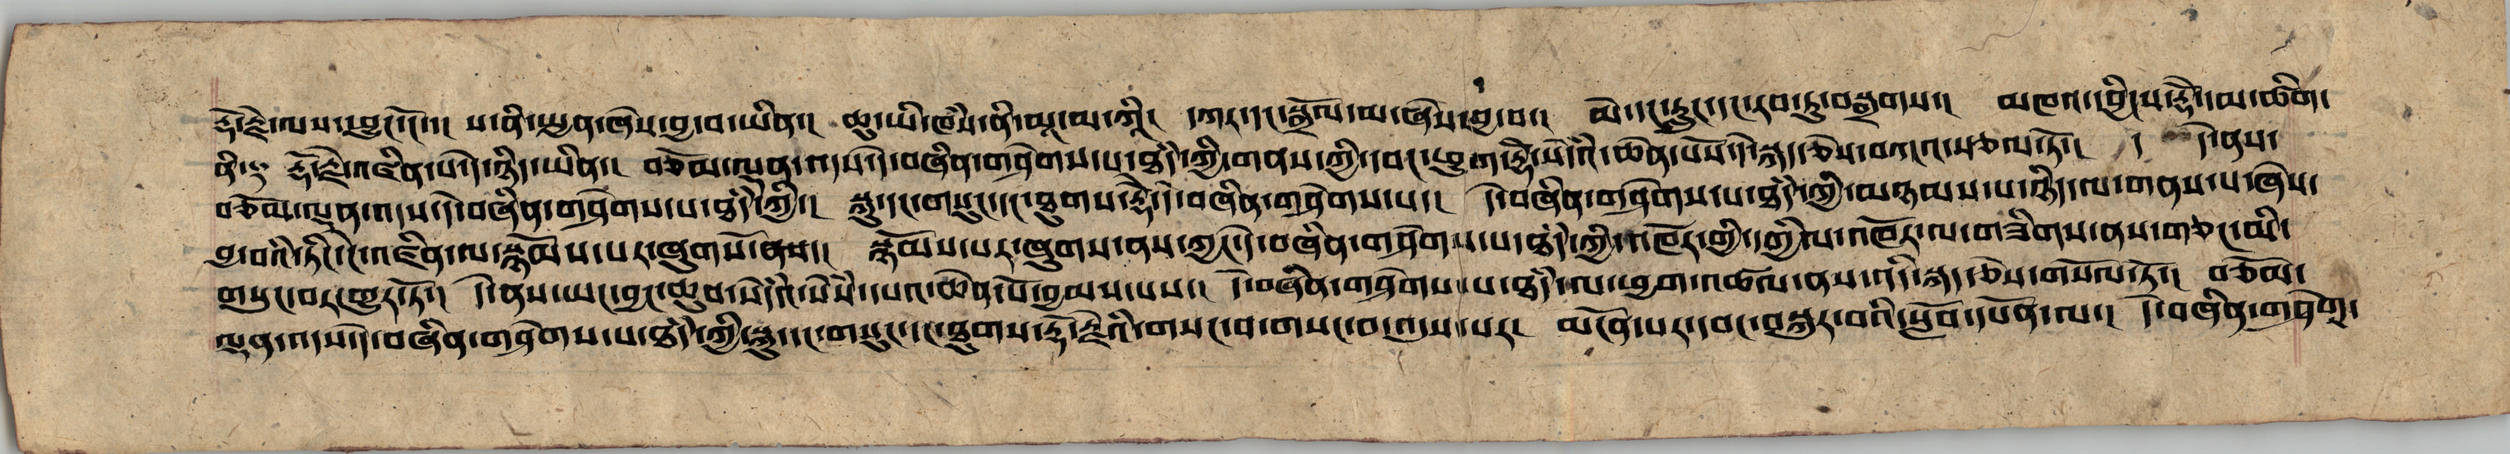རྡོ་རྗེ་ལས་ཕྱུང་ངོ་་། ས་ནི་སྤྱན་ཞེས་བྱ་བ་ཡིན་། ཆུ་ཡི་ཁཾས་ནི་མཱ་མ་ཀཱི། དཀར་དང་སྒྲོལ་མ་ཞེས་བྱ་བ་། མེ་དང་རླུང་དང་རབ་ཏུ་བསྒྲགས། མཁའ་དབྱིངས་རྡོེ་དམ་ཚིག་
ན༑ རྡོ་རྗེ་འཛིན་པ་དེ་ཉིད་ཡིན་། བཅོམ་ལྡན་འདས་དེ་བཞིན་གཤེགས་པ་ཐཾད་ཀྱི་གནས་ཀྱི་དབང་ཕྱུག་རྡོེ་སེདཾའ་ཆེན་པོས་དེ་སྐད་ཅེས་བཀའ་སྩལ་ཏོ་། ད དེ་ནས་
བཅོམ་ལྡན་འདས་དེ་བཞིན་གཤེགས་པ་ཐཾད་ཀྱི་། སྐུ་དང་གསུང་དང་ཐུགས་རྡོེ་དེ་བཞིན་གཤེགས་པ་། དེ་བཞིན་གཤེགས་པ་ཐཾད་ཀྱི་མཉམས་པ་ཉིད་ལ་གནས་པ་ཞེས་
བྱ་བའི་ཏིང་ངེ་འཛིན་ལ་སྙོམས་པར་ཞུགསོ་ནས་། སྙོམས་པར་ཞུགས་ནས་ཀྱང་དེ་བཞིན་གཤེགས་པ་ཐཾད་ཀྱི་འཁོར་གྱི་དཀྱིལ་འཁོར་ལ་གཟིགས་ནས་གཅང་མི་
གསུང་བར་གྱུར་ཏོ་། དེ་ནས་ཡང་བྱང་ཆུབ་སེདཾའ་སེཾས་དཔའ་ཆེན་པོ་བྱམས་པས་། དེ་བཞིན་གཤེགས་པ་ཐཾད་ལ་ཕྱག་འཚལ་ནས་འདི་སྐད་ཅེས་གསོལ་ཏོ་། བཅོམ་
ལྡན་འདས་དེ་བཞིན་གཤེགས་པ་ཐཾད་ཀྱི་སྐུ་དང་གསུང་དང་ཐུགས་རྡོ་རྗེའི་གསང་བ་གསང་བ་འདུས་པར། མངོན་པར་དབང་བསྐུར་བའི་སློབ་དཔོན་ལ་། དེ་བཞིན་གཤེགས་